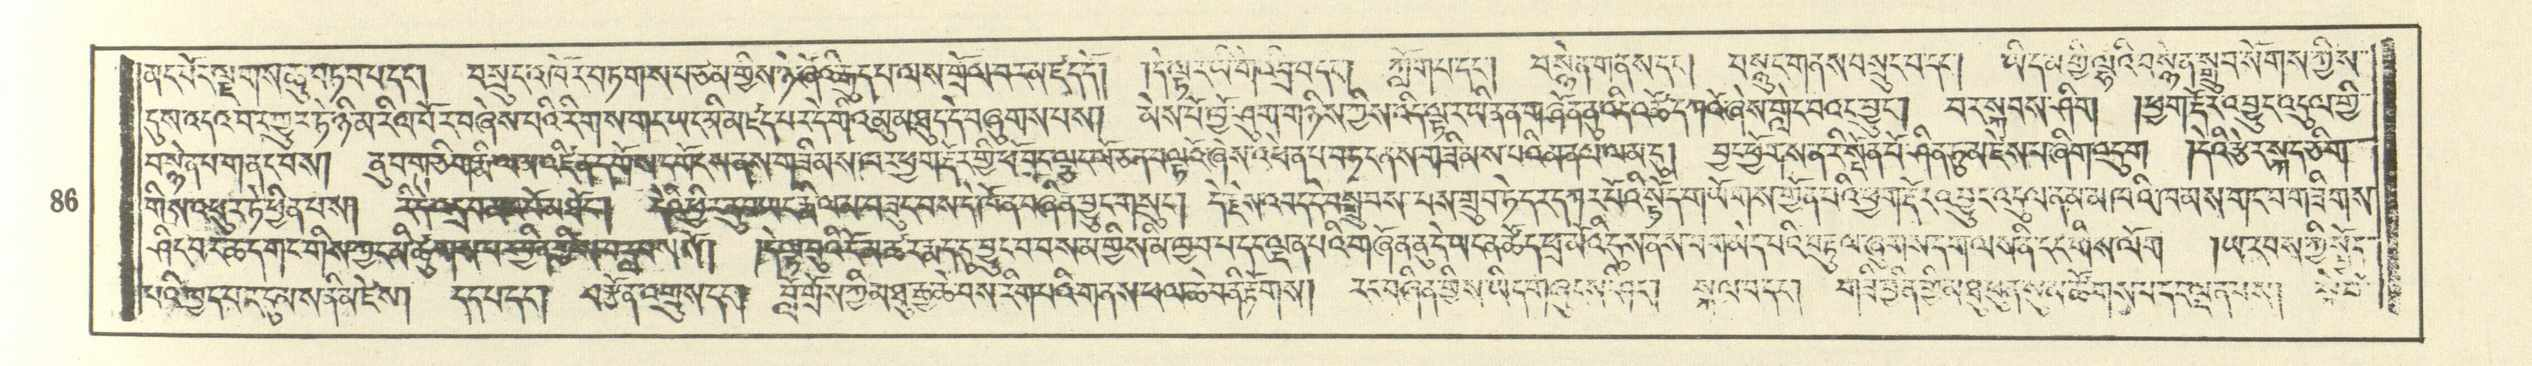མང་པོར་ལྗགས་ཆུ་བཏབ་པ་དང་། བསྲུང་འཁོར་བཏགས་པ་ཙམ་གྱིས་ཉེ་ཞོའི་རྒུད་པ་ལས་གྲོལ་བར་མཛད་དོ། །དེ་ལྟར་ཡི་གེ་འབྲི་བ་དང་། ཀློག་པ་དང་། བསྙེན་གནས་དང་། བསྙུང་གནས་བསྲུང་བ་དང་། ཡི་དམ་གྱི་ལྷའི་བསྙེན་སྒྲུབ་སོགས་ཀྱིས་
དུས་འདའ་བར་གྱུར་ཏེ་ཉི་མ་རིལ་པོར་བཞེས་པའི་རིགས་གང་ཡང་མི་མཛད་པར་དེ་གའི་མུ་མཐུད་དེ་བཞུགས་པས། མེས་པོ་ཁྱོ་ཤུག་གཉིས་ཀྱིས་འདི་ལྟར་ཡིན་ན་གཞོན་ནུ་འདི་འཚོ་དཀའོ་ཞེས་གླེང་བའང་བྱུང་། བར་སྐབས་ཤིག །ཕྱག་རྡོར་འབྱུང་འདུལ་གྱི་
བསྙེན་པ་གནང་པས། ནུབ་གཅིག་རྨི་ལམ་འཛིན་དགོས་དགོངས་ནས་གཟིམས་ཁར་ཕྱག་རྡོར་གྱི་ཕོ་བྲང་ལྕང་ལོ་ཅན་བལྟའོ་ཞེས་འཕེན་པ་བཏང་ནས་གཟིམས་པའི་མནལ་ལམ་དུ། བྱང་ཕྱོགས་ན་རི་སྔོན་པོ་ཤིན་ཏུ་མཛེས་པ་ཞིག་འདུག །དེའི་རྩེར་སྐད་ཅིག་
གིས་འཕུར་ཏེ་ཕྱིན་པས། རི་དེ་འདྲ་བ་མང་པོ་མཐོང་། དེའི་ཕྱིར་ནུབ་ཡང་རྨི་ལམ་བཟུང་བས་དེ་ཁོ་ན་བཞིན་བྱུང་གསུང་། དེ་རྗེས་འབད་དེ་བསྒྲུབས་པས་གྲུབ་ཏེ་དར་དཀར་པོའི་སྟོད་གཡོགས་གྱོན་པའི་ཕྱག་རྡོར་འབྱུང་འདུལ་ནམ་མཁའི་ཁམས་གང་པ་གཟིགས་
ཤིང་བར་ཆད་གང་གིས་ཀྱང་མི་ཚུགས་པར་བྱིན་གྱིས་བརླབས་སོ། །དེ་ལྟ་བུའི་ངོམ་ཚར་རྨད་དུ་བྱུང་བ་བསམ་གྱིས་མི་ཁྱབ་པ་དང་ལྡན་པའི་གཞོན་ནུ་དེ་ཡང་ན་ཚོད་ཕྲ་མོའི་དུས་ནས་བག་མེད་པའི་བརྟུལ་ཞུགས་དག་ལས་ནི་དང་གིས་ལོག །ཡ་རབས་ཀྱི་སྤྱོད་
པའི་ཁྱད་པར་དུ་མས་ནི་མཛེས། དད་པ་དང་། བརྩོན་འགྲུས་དང་། བློ་གྲོས་ཀྱི་མཐུ་རྒྱ་ཆེ་བས་རིག་པའི་གནས་ཕལ་ཆེ་བ་ནི་རྟོགས། རང་བཞིན་གྱིས་ཡིད་གཞུངས་ཤིང་། སྐལ་བ་དང་། གཟི་བྱིན་གྱི་མཐུ་ཕུན་སུམ་ཚོགས་པ་དང་ལྡན་པས། སྐྱེ་བོ་